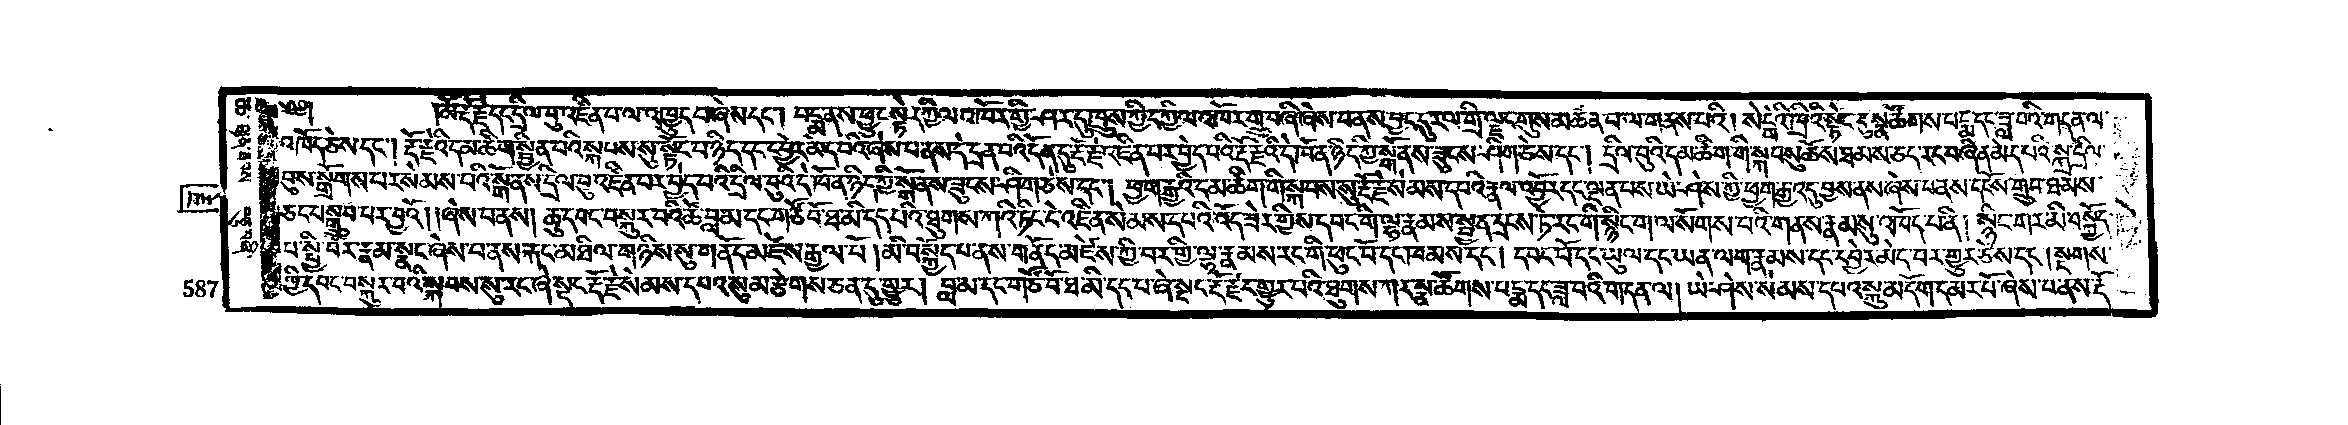༄༅། །མོ་རྡོ་རྗེ་དང་དྲིལ་བུ་འཛིན་པ་ལ་འཁྱུད་པ་ཞེས་དང་། པདམ་ནས་ཕྱུང་སྟེ་དཀྱིལ་འཁོར་གྱི་ཤར་དུ་ཁྲུས་ཀྱི་དཀྱིལ་འཁོར་གྲུ་བཞི་ཞེས་པ་ནས་བྱང་དུ་རལ་གྲི་ལྗང་གུས་མཚན་པ་ལ་གནས་པའི། སེངྒེའི་ཁྲིའི་སྟེང་དུ་སྣ་ཚོགས་པདམ་དང་ཟླ་བའི་གདན་ལ་
འཁོད་ཅེས་དང་། རྡོ་རྗེའི་དམ་ཚིག་སྦྱིན་པའི་སྐབས་སུ་སྟོང་པ་ཉིད་དང་དབྱེར་མེད་པའི་ཞེས་པ་ནས་དེ་དྲན་པའི་དོན་དུ་རྡོ་རྗེ་འཛིན་པར་བྱེད་པའི་རྡོ་རྗེའི་དེ་ཁོ་ན་ཉིད་ཀྱི་སྒོ་ནས་ཟུངས་ཤིག་ཅེས་དང་། དྲིལ་བུའི་དམ་ཚིག་གི་སྐབས་སུ་ཆོས་ཐམས་ཅད་རང་བཞིན་མེད་པའི་སྒྲ་དྲིལ་
བུས་སྒྲོགས་པར་སེམས་པའི་སྒོ་ནས་དྲིལ་བུ་འཛིན་པར་བྱེད་པའི་དྲིལ་བུའི་དེ་ཁོ་ན་ཉིད་ཀྱི་སྒོ་ནས་ཟུངས་ཤིག་ཅེས་དང་། ཕྱག་རྒྱའི་དམ་ཚིག་གི་སྐབས་སུ་རྡོ་རྗེ་སེམས་དཔའི་རྣལ་འབྱོར་དང་ལྡན་པས་ཡེ་ཤེས་ཀྱི་ཕྱག་རྒྱ་འདུ་བྱས་ནས་ཞེས་པ་ནས་དངོས་གྲུབ་ཐམས་
ཅད་བསྒྲུབ་པར་བྱའོ། །ཞེས་པ་ནས། ཆུ་དབང་བསྐུར་བའི་ཚེ་བླ་མ་དང་གཙོ་བོ་ཐ་མི་དད་པའི་ཐུགས་ཀའི་ཏིང་ངེ་འཛིན་སེམས་དཔའི་འོད་ཟེར་གྱིས་དབང་གི་ལྷ་རྣམས་སྤྱན་དྲངས་ཏེ་རང་གི་སྙིང་ག་ལ་སོགས་པའི་གནས་རྣམས་སུ་འཁོད་པ་ནི། སྙིང་གར་མི་བསྐྱོད་
པ་སྤྱི་བོར་རྣམ་སྣང་ཞེས་པ་ནས་རྐང་མཐིལ་གཉིས་སུ་གནོད་མཛེས་རྒྱལ་པོ་།མི་བསྐྱོད་པ་ནས་གནོད་མཛེས་ཀྱི་བར་གྱི་ལྷ་རྣམས་རང་གི་ཕུང་པོ་དང་ཁམས་དང་། དབང་པ་དང་ཡུལ་དང་ཡན་ལག་རྣམས་དང་དབྱེར་མེད་བར་གྱུར་ཅེས་དང་། སྔགས་
ཀྱི་དབང་བསྐུར་བའི་སྐབས་སུ་རང་ཞེ་སྡང་རྡོ་རྗེ་སེམས་དཔའ་སུམ་རྩེགས་ཅན་དུ་གྱུར། བླ་མ་དང་གཙོ་བོ་ཐ་མི་དད་པ་ཞེ་སྡང་རྡོ་རྗེར་གྱུར་པའི་ཐུགས་ཀར་སྣ་ཚོགས་པདམ་དང་ཟླ་བའི་གདན་ལ། ཡེ་ཤེས་སེམས་དཔའ་སྐུ་མདོག་དམར་པོ་ཞེས་པ་ནས་རྡོ་